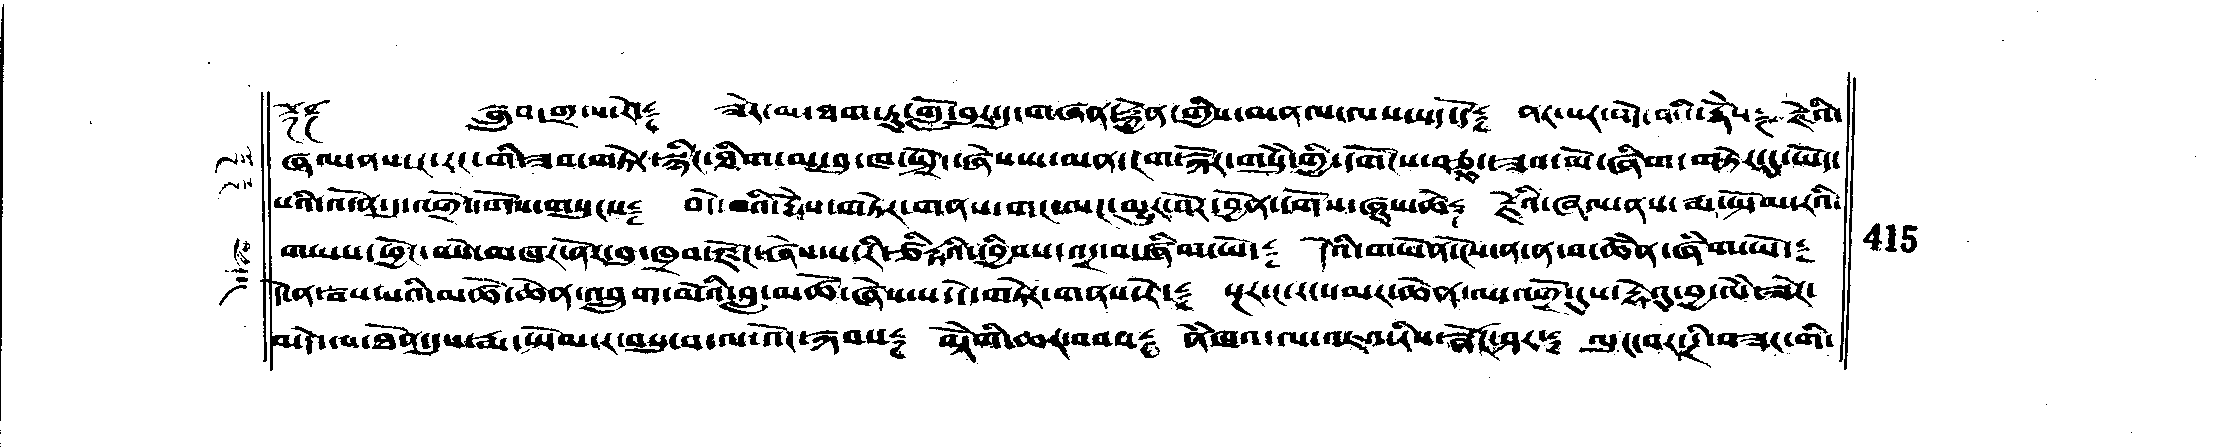སྒྲུབ་གྲྭ་པ་རེད། ཟེར་མ་ཐག་ཏུ་གློ་བུར་དུ་གཞན་རྐྱེན་གྱིས་མནལ་ལས་སད་དོ།ནངས་པར་བདེ་བའི་རྡོ་རྗེས། རྗེའི་
ཞལ་ནས་ང་རང་གི་ཟབ་གཏེར་སྙིང་ཐིག་མ་བུ་ཁ་སྤྲོད་ཞེས་པ་མན་ངག་སྐོར་གསུམ་གྱི་དགོངས་བཅུད་ཟབ་མོ་ཞིག་གཏེར་དུ་ཡོད་
པས་འདོན་དུ་འགྲོ་དགོས་གསུངས། བདེ་བའི་རྡོ་རྗེས་གཏེར་གནས་གང་ལགས་མྱུར་བོར་བྱོན་དགོས་ཞུས་ཚེ། རྗེའི་ཞལ་ནས་རྨ་སྤོམ་རའི་
གཡས་ཕྱོགས་བསེ་མཁར་ནོར་བུ་ཁྲབ་རྫོང་ཞེས་པ་རི་ཙིཏྟའི་དབྱིབས་འདྲ་བ་ཞིག་ཡོད། དེའི་གཡོན་ངོས་ན་ན་བ་ཆེན་པོ་ཞིག་ཡོད། 
དེ་ན་སྦས་པའི་མཚོ་ཆེན་འབྲུག་མོའི་བླ་མཚོ་ཞེས་པ་དེ་གཏེར་གནས་རེད། སྔར་ང་རང་དམར་ཆེན་ལ་འགྲོ་དུས་རྡེའུ་བྱ་ལམ་ཟེར་
མེད་ལ་ཐོན་དུས་རྨ་སྤོམ་ར་བསུ་བ་ལ་འོང་སྐབས། མེ་ཏོག་གི་ཆར་བབས། ནམ་མཁའ་ལ་འཇའ་རིས་སྣ་ཚོགས་ཤར། ལུང་བར་དྲི་བཟང་གི་